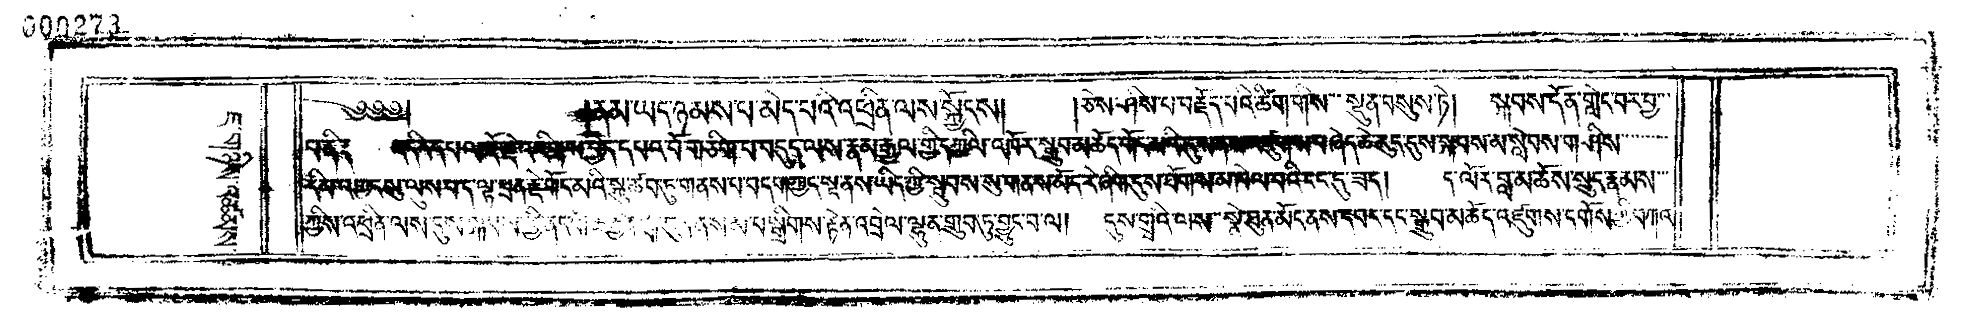༄༅༅། །ནམ་ཡང་ཉམས་པ་མེད་པའི་འཕྲིན་ལས་སྐྱོངས། །ཅེས་ཤིས་པ་བརྗོད་པའི་ཚིག་གིས་སྡུན་བསུས་ཏེ། སྐབས་དོན་གླེང་བར་བྱ་
བ་ནི། འདིར་དཔལ་རྡོ་རྗེ་འཇིགས་བྱེད་དཔའ་བོ་གཅིག་པ་བདུད་ལས་རྣམ་རྒྱལ་གྱི་དཀྱིལ་འཁོར་སྒྲུབ་མཆོད་གོང་མའི་དུས་ནས་འཛུགས་བཞེད་ཆེ་རུང་དུས་སྐབས་མ་སླེབས་གཤིས་
རིམ་འགྱང་སུ་ལུས་པ་ད་ལྟ་ཕྲན་རྗེ་གོང་མའི་སྐུ་ཚབ་ཏུ་གནས་པ་བདག་ཀྱང་སྔ་ནས་ཡིད་ཀྱི་སྦུབས་སུ་གནས་མོད་རེ་ཞིག་དུས་ཐོགས་མ་ཁེལ་བའི་ངང་དུ་ཟད། ད་ལོར་བླ་མ་ཆོས་སྲུང་རྣམས་
ཀྱིས་འཕྲིན་ལས་དུས་སྐབས་ཕྱི་ནང་གི་ཆ་རྐྱེན་སྒོ་ཀུན་ནས་མ་བསྒྲིགས་རྟེན་འབྲེལ་ལྷུན་གྲུབ་ཏུ་བྱུང་བ་ལ། དུས་གྲྭའི་ལས་སྣེ་ཐུན་མོང་ནས་དབང་དང་སྒྲུབ་མཆོད་འཛུགས་དགོས་ཀྱི་བཀའ་